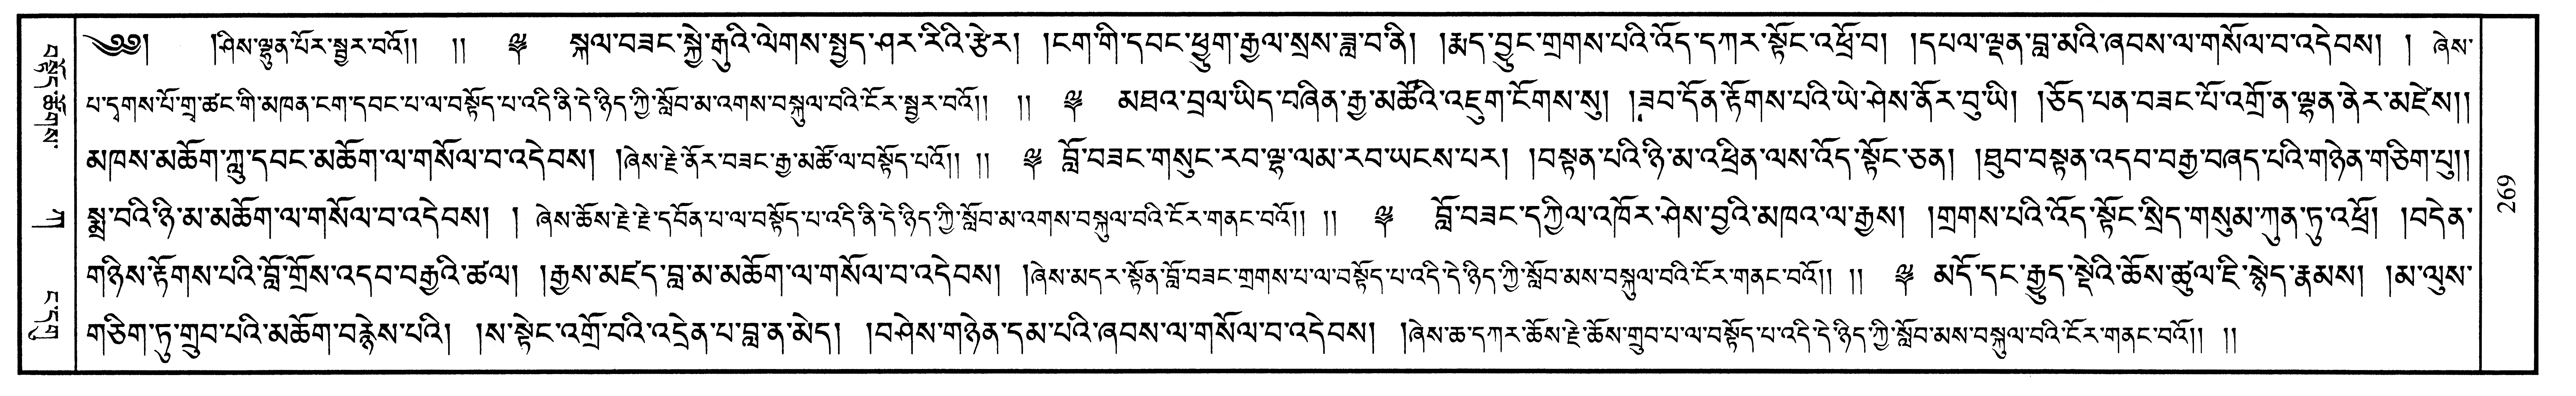༄༅། །ཤིས་ལྷུན་པོར་སྦྱར་བའོ།། །། ༈ སྐལ་བཟང་སྐྱེ་རྒུའི་ལེགས་སྤྱད་ཤར་རིའི་རྩེར། །ངག་གི་དབང་ཕྱུག་རྒྱལ་སྲས་ཟླ་བ་ནི། །རྨད་བྱུང་གྲགས་པའི་འོད་དཀར་སྟོང་འཕྲོ་བ། །དཔལ་ལྡན་བླ་མའི་ཞབས་ལ་གསོལ་བ་འདེབས། །ཞེས་
པ་དྭགས་པོ་གྲྭ་ཚང་གི་མཁན་ངག་དབང་པ་ལ་བསྟོད་པ་འདི་ནི་དེ་ཉིད་ཀྱི་སློབ་མ་འགས་བསྐུལ་བའི་ངོར་སྦྱར་བའོ།། །། ༈ མཐའ་བྲལ་ཡིད་བཞིན་རྒྱ་མཚོའི་འཇུག་ངོགས་སུ། །ཟབ་དོན་རྟོགས་པའི་ཡེ་ཤེས་ནོར་བུ་ཡི། །ཅོད་པན་བཟང་པོ་འགྲོ་ན་ལྷན་ནེར་མཛེས།།
མཁས་མཆོག་ཀླུ་དབང་མཆོག་ལ་གསོལ་བ་འདེབས། །ཞེས་རྗེ་ནོར་བཟང་རྒྱ་མཚོ་ལ་བསྟོད་པའོ།། །། ༈ བློ་བཟང་གསུང་རབ་ལྷ་ལམ་རབ་ཡངས་པར། །བསྟན་པའི་ཉི་མ་འཕྲིན་ལས་འོད་སྟོང་ཅན། །ཐུབ་བསྟན་འདབ་བརྒྱ་བཞད་པའི་གཉེན་གཅིག་པུ།།
སྨྲ་བའི་ཉི་མ་མཆོག་ལ་གསོལ་བ་འདེབས། །ཞེས་ཆོས་རྗེ་རྗེ་དབོན་པ་ལ་བསྟོད་པ་འདི་ནི་དེ་ཉིད་ཀྱི་སློབ་མ་འགས་བསྐུལ་བའི་ངོར་གནང་བའོ།། །། ༈ བློ་བཟང་དཀྱིལ་འཁོར་ཤེས་བྱའི་མཁའ་ལ་རྒྱས། །གྲགས་པའི་འོད་སྟོང་སྲིད་གསུམ་ཀུན་ཏུ་འཕྲོ། །བདེན་
གཉིས་རྟོགས་པའི་བློ་གྲོས་འདབ་བརྒྱའི་ཚལ། །རྒྱས་མཛད་བླ་མ་མཆོག་ལ་གསོལ་བ་འདེབས། །ཞེས་མདར་སྟོན་བློ་བཟང་གྲགས་པ་ལ་བསྟོད་པ་འདི་དེ་ཉིད་ཀྱི་སློབ་མས་བསྐུལ་བའི་ངོར་གནང་བའོ།། །། ༈ མདོ་དང་རྒྱུད་སྡེའི་ཆོས་ཚུལ་ཇི་སྙེད་རྣམས། །མ་ལུས་
གཅིག་ཏུ་གྲུབ་པའི་མཆོག་བརྙེས་པའི། །ས་སྟེང་འགྲོ་བའི་འདྲེན་པ་བླ་ན་མེད། །བཤེས་གཉེན་དམ་པའི་ཞབས་ལ་གསོལ་བ་འདེབས། །ཞེས་ཆ་དཀར་ཆོས་རྗེ་ཆོས་གྲུབ་པ་ལ་བསྟོད་པ་འདི་དེ་ཉིད་ཀྱི་སློབ་མས་བསྐུལ་བའི་ངོར་གནང་བའོ།། །།